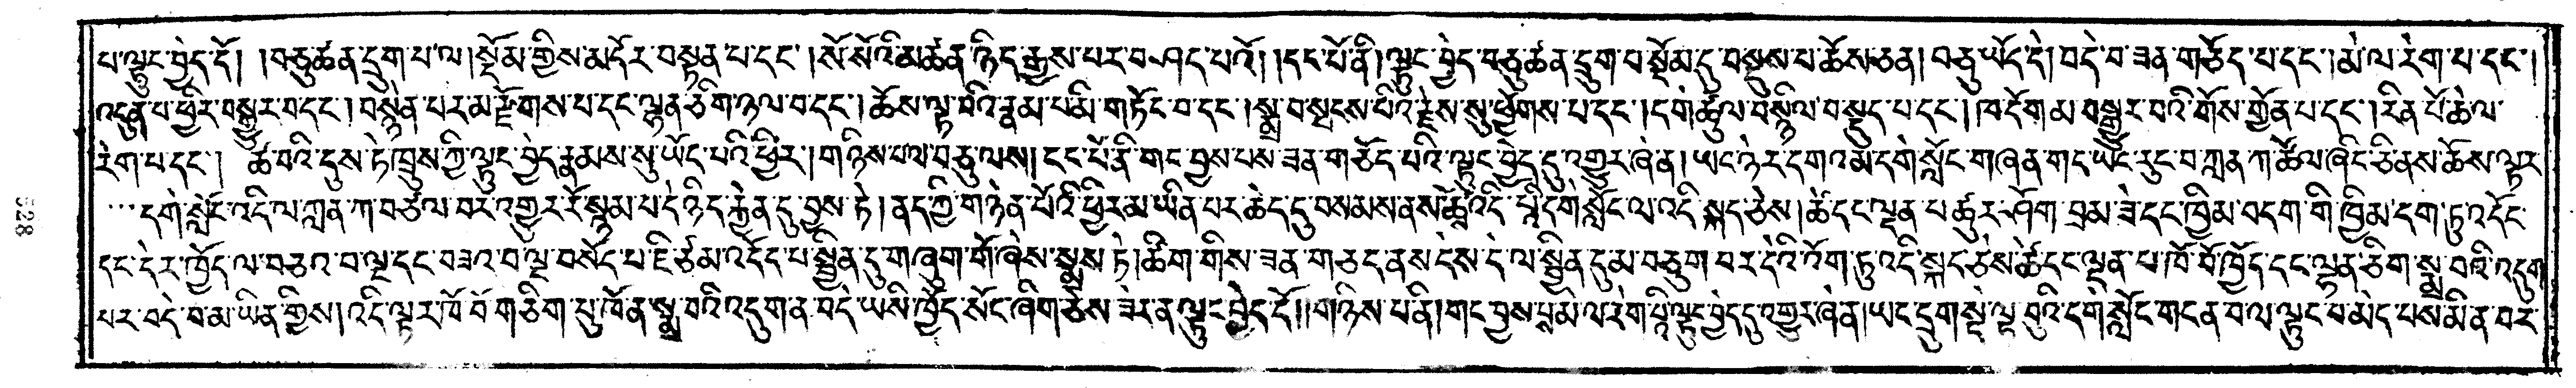པ་ལྟུང་བྱེད་དོ། །བཅུ་ཚན་དྲུག་པ་ལ། སྡོམ་གྱིས་མདོར་བསྟན་པ་དང་། སོ་སོའི་མཚན་ཉིད་རྒྱས་པར་བཤད་པའོ། །དང་པོ་ནི། ལྟུང་བྱེད་བཅུ་ཚན་དྲུག་པ་སྡོམ་དུ་བསྡུས་པ་ཆོས་ཅན། བཅུ་ཡོད་དེ། བདེ་བ་ཟན་གཅོད་པ་དང་། མེ་ལ་རེག་པ་དང་།
འདུན་པ་ཕྱིར་བསྒྱུར་བ་དང་། བསྙེན་པར་མ་རྫོགས་པ་དང་ལྷན་ཅིག་ཉལ་བ་དང་། ཆོས་ལྟ་བའི་རྣམ་པ་མི་གཏོང་བ་དང་། སྨྲ་བ་སྤངས་པའི་རྗེས་སུ་ཕྱོགས་པ་དང་། དགེ་ཚུལ་བསྙིལ་བ་སྡུད་པ་དང་། ཁ་དོག་མ་བསྒྱུར་བའི་གོས་གྱོན་པ་དང་། རིན་པོ་ཆེ་ལ་
རེག་པ་དང་། ཚ་བའི་དུས་ཏེ་ཁྲུས་ཀྱི་ལྟུང་བྱེད་རྣམས་སུ་ཡོད་པའི་ཕྱིར། གཉིས་པ་ལ་བཅུ་ལས། དང་པོ་ནི་གང་བྱས་པས་ཟན་གཅོད་པའི་ལྟུང་བྱེད་དུ་འགྱུར་ཞེ་ན། ཡང་ཉེར་དགའ་མ་དགེ་སློང་གཞན་གང་ཡང་རུང་བ་ཀླན་ཀ་ཚོལ་ཞིང་ཅི་ནས་ཆོས་ལྟར་
དགེ་སློང་འདི་ལ་ཀླན་ཀ་བཙལ་བར་འགྱུར་རོ་སྙམ་པ་དེ་ཉིད་རྐྱེན་དུ་བྱས་ཏེ། ནད་ཀྱི་གཉེན་པོའི་ཕྱིར་མ་ཡིན་པར་ཆེད་དུ་བསམས་ནས་ཆོས་འདི་པཱི་དགེ་སློང་ལ་འདི་སྐད་ཅེས། ཚེ་དང་ལྡན་པ་ཚུར་ཤོག་བྲམ་ཟེ་དང་ཁྱིམ་བདག་གི་ཁྱིམ་དག་ཏུ་འདོང་
དང་དེར་ཁྱོད་ལ་བཅའ་བ་ལྔ་དང་བཟའ་བ་ལྔ་བསོད་པ་ཇི་ཙམ་འདོད་པ་སྦྱིན་དུ་གཞུག་གོ་ཞེས་སྨྲས་ཏེ། ཚིག་གིས་ཟན་གཅད་ནས་དེས་དེ་ལ་སྦྱིན་དུ་མ་བཅུག་པར་དེའི་འོག་ཏུ་འདི་སྐད་ཅེས་ཚེ་དང་ལྡན་པ་ཁོ་བོ་ཁྱོད་དང་ལྷན་ཅིག་སྨྲ་བའི་འདུག་
པར་བདེ་བ་མ་ཡིན་གྱིས། འདི་ལྟར་ཁོ་བོ་གཅིག་པུ་ཁོ་ན་སྨྲ་བའི་འདུག་ན་བདེ་ཡིས་ཁྱོད་སོང་ཞིག་ཅེས་ཟེར་ན་ལྟུང་བྱེད་དོ། །གཉིས་པ་ནི། གང་བྱས་པས་མེ་ལ་རེག་པཱི་ལྟུང་བྱེད་དུ་འགྱུར་ཞེ་ན། ཡང་དྲུག་སྡེ་ལྟ་བུའི་དགེ་སློང་གང་ན་བ་ལ་ལྟུང་བ་མེད་པས་མིན་བར་